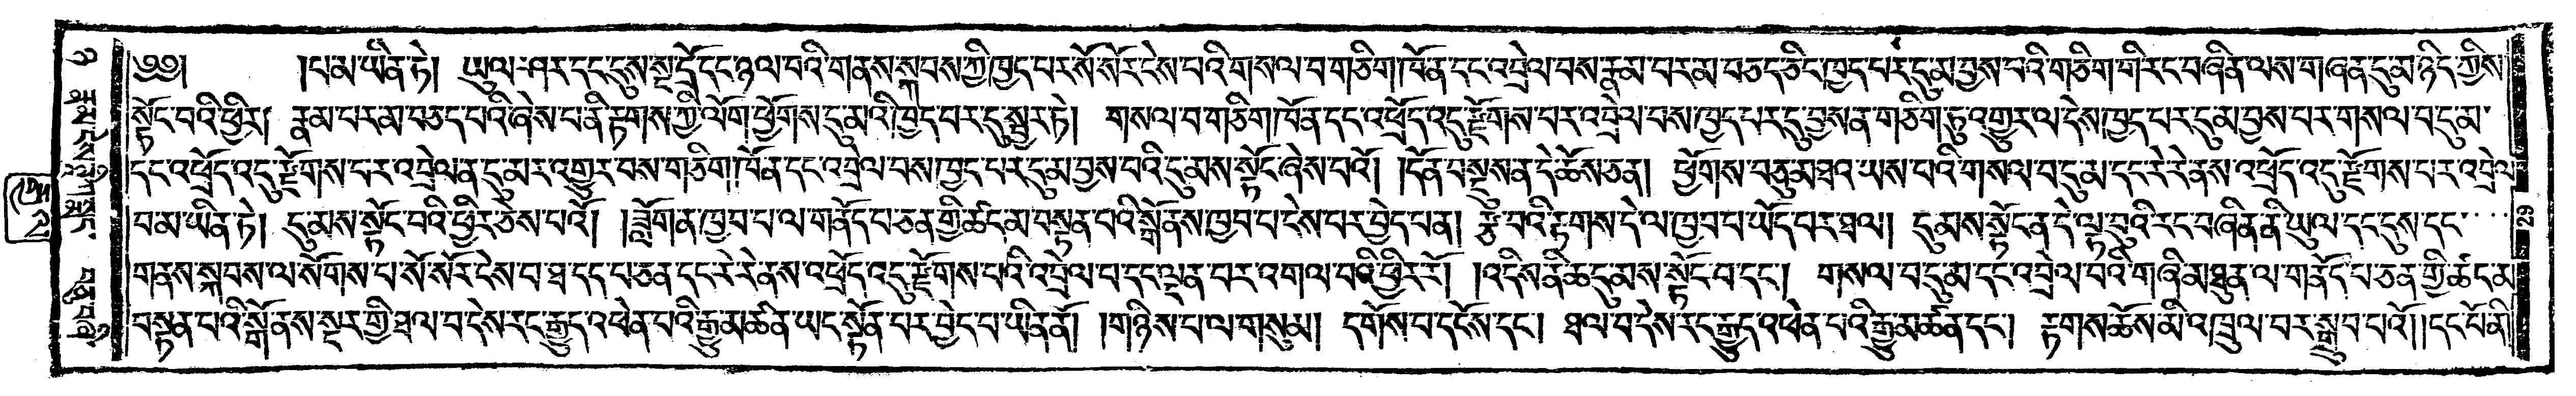༄༅། །པ་མ་ཡིན་ཏེ། ཡུལ་ཤར་དང་དུས་སྔ་དྲོ་དང་ཉལ་བའི་གནས་སྐབས་ཀྱི་ཁྱད་པར་སོ་སོར་ངེས་པའི་གསལ་བ་གཅིག་ཁོ་ན་དང་འབྲེལ་བས་རྣམ་པར་མ་བཅད་ཅིང་ཁྱད་པར་དུ་མ་བྱས་པའི་གཅིག་གི་རང་བཞིན་ལས་གཞན་དུ་མ་ཉིད་ཀྱིས་
སྟོང་བའི་ཕྱིར། རྣམ་པར་མ་བཅད་པའི་ཞེས་པ་ནི་རྟགས་ཀྱི་ལོག་ཕྱོགས་དུ་མའི་ཁྱད་པར་དུ་སྦྱར་ཏེ། གསལ་བ་གཅིག་ཁོ་ན་དང་འཕྲོད་འདུ་རྫོགས་པར་འབྲེལ་བས་ཁྱད་པར་དུ་བྱས་ན་གཅིག་ཏུ་འགྱུར་ལ་དེས་ཁྱད་པར་དུ་མ་བྱས་པར་གསལ་བ་དུ་མ་
དང་འཕྲོད་འདུ་རྫོགས་པར་འབྲེལ་ན་དུ་མར་འགྱུར་བས་གཅིག་ཁོ་ན་དང་འབྲེལ་བས་ཁྱད་པར་དུ་མ་བྱས་པའི་དུ་མས་སྟོང་ཞེས་པའོ། །དོན་བསྡུས་ན་དེ་ཆོས་ཅན། ཕྱོགས་བཅུ་མཐའ་ཡས་པའི་གསལ་བ་དུ་མ་དང་རེ་རེ་ནས་འཕྲོད་འདུ་རྫོགས་པར་འབྲེལ་
བ་མ་ཡིན་ཏེ། དུ་མས་སྟོང་པའི་ཕྱིར་ཅེས་པའོ། །ཟློག་ན་ཁྱབ་པ་ལ་གནོད་པ་ཅན་གྱི་ཚད་མ་བསྟན་པའི་སྒོ་ནས་ཁྱབ་པ་ངེས་པར་བྱེད་པ་ན། རྩ་བའི་རྟགས་དེ་ལ་ཁྱབ་པ་ཡོད་པར་ཐལ། དུ་མས་སྟོང་ན་དེ་ལྟ་བུའི་རང་བཞིན་ནི་ཡུལ་དང་དུས་དང་
གནས་སྐབས་ལ་སོགས་པ་སོ་སོར་ངེས་པ་ཐ་དད་པ་ཅན་དང་རེ་རེ་ནས་འཕྲོད་འདུ་རྫོགས་པའི་འབྲེལ་བ་དང་ལྡན་པར་འགལ་བའི་ཕྱིར་རོ། །འདིས་ནི་ཆ་དུ་མས་སྟོང་པ་དང་། གསལ་བ་དུ་མ་དང་འབྲེལ་བའི་གཞི་མཐུན་ལ་གནོད་པ་ཅན་གྱི་ཚད་མ་
བསྟན་པའི་སྒོ་ནས་སྔར་གྱི་ཐལ་བ་དེས་རང་རྒྱུད་འཕེན་པའི་རྒྱུ་མཚན་ཡང་སྟོན་པར་བྱེད་པ་ཡིན་ནོ། །གཉིས་པ་ལ་གསུམ། དགོས་པ་དངོས་དང་། ཐལ་བ་དེས་རང་རྒྱུད་འཕེན་པའི་རྒྱུ་མཚན་དང་། རྟགས་ཆོས་མི་འཁྲུལ་པར་སྒྲུབ་པའོ། །དང་པོ་ནི།